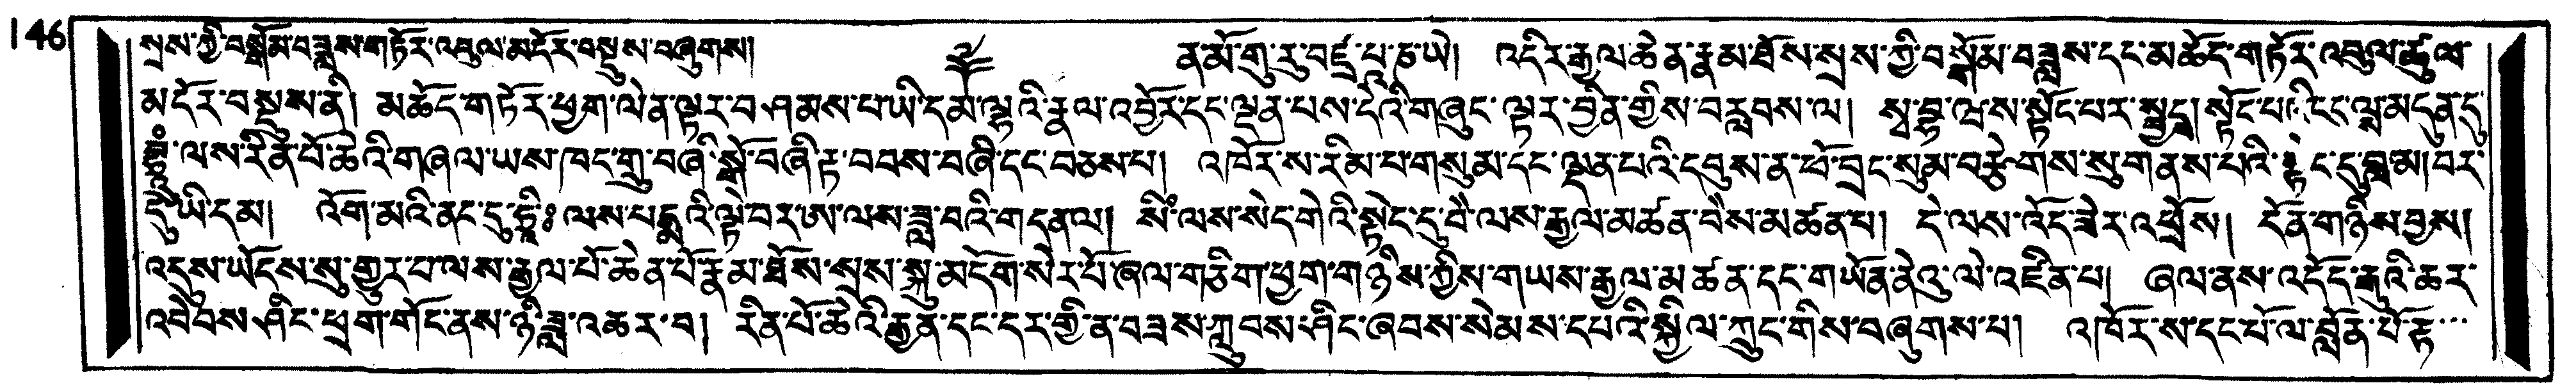སྲས་ཀྱི་བསྒོམ་བཟླས་གཏོར་འབུལ་མདོར་བསྡུས་བཞུགས། ༈ ན་མོ་གུ་རུ་བྫྲ་པཱ་ཎ་ཡེ། འདིར་རྒྱལ་ཆེན་རྣམ་ཐོས་སྲས་ཀྱི་བསྒོམ་བཟླས་དང་མཆོད་གཏོར་འབུལ་ཚུལ་
མདོར་བསྡུས་ནི། མཆོད་གཏོར་ཕྱག་ལེན་ལྟར་བཤམས་པ་ཡི་དམ་ལྷའི་རྣལ་འབྱོར་དང་ལྡན་པས་དེའི་གཞུང་ལྟར་བྱིན་གྱིས་བརླབས་ལ། སྭ་བྷ་ཝས་སྟོང་པར་སྦྱངས། སྟོང་པའི་ངང་ལས་མདུན་དུ་
བྷྲཱུཾ་ལས་རིན་པོ་ཆེའི་གཞལ་ཡས་ཁང་གྲུ་བཞི་སྒོ་བཞི་རྟ་བབས་བཞི་དང་བཅས་པ། འཁོར་ས་རིམ་པ་གསུམ་དང་ལྡན་པའི་དབུས་ན་ཕོ་བྲང་སུམ་བརྩེགས་སུ་གནས་པའི་སྟེང་དུ་བླ་མ། བར་
དུ་ཡི་དམ། འོག་མའི་ནང་དུ་ཧྲཱིཿ ལས་པདམའི་ལྟེ་བར་ཨ་ལས་ཟླ་བའི་གདན་ལ། སིམ་ལས་སེད་གེའི་སྟེང་དུ་བཻ་ལས་རྒྱལ་མཚན་བཻས་མཚན་པ། དེ་ལས་འོད་ཟེར་འཕྲོས། དོན་གཉིས་བྱས།
འདུས་ཡོངས་སུ་གྱུར་པ་ལས་རྒྱལ་པོ་ཆེན་པོ་རྣམ་ཐོས་སྲས་སྐུ་མདོག་སེར་པོ་ཞལ་གཅིག་ཕྱག་གཉིས་ཀྱིས་གཡས་རྒྱལ་མཚན་དང་གཡོན་ནེའུ་ལེ་འཛིན་པ། ཞལ་ནས་འདོད་རྒུའི་ཆར་
འབེབས་ཤིང་ཕྲག་གོང་ནས་ཉི་ཟླ་འཆར་བ། རིན་པོ་ཆེའི་རྒྱན་དང་དར་གྱི་ན་བཟས་ཀླུབས་ཤིང་ཞབས་སེམས་དཔའི་སྐྱིལ་ཀྲུང་གིས་བཞུགས་པ། འཁོར་ས་དང་པོ་ལ་བློན་པོ་རྟ་